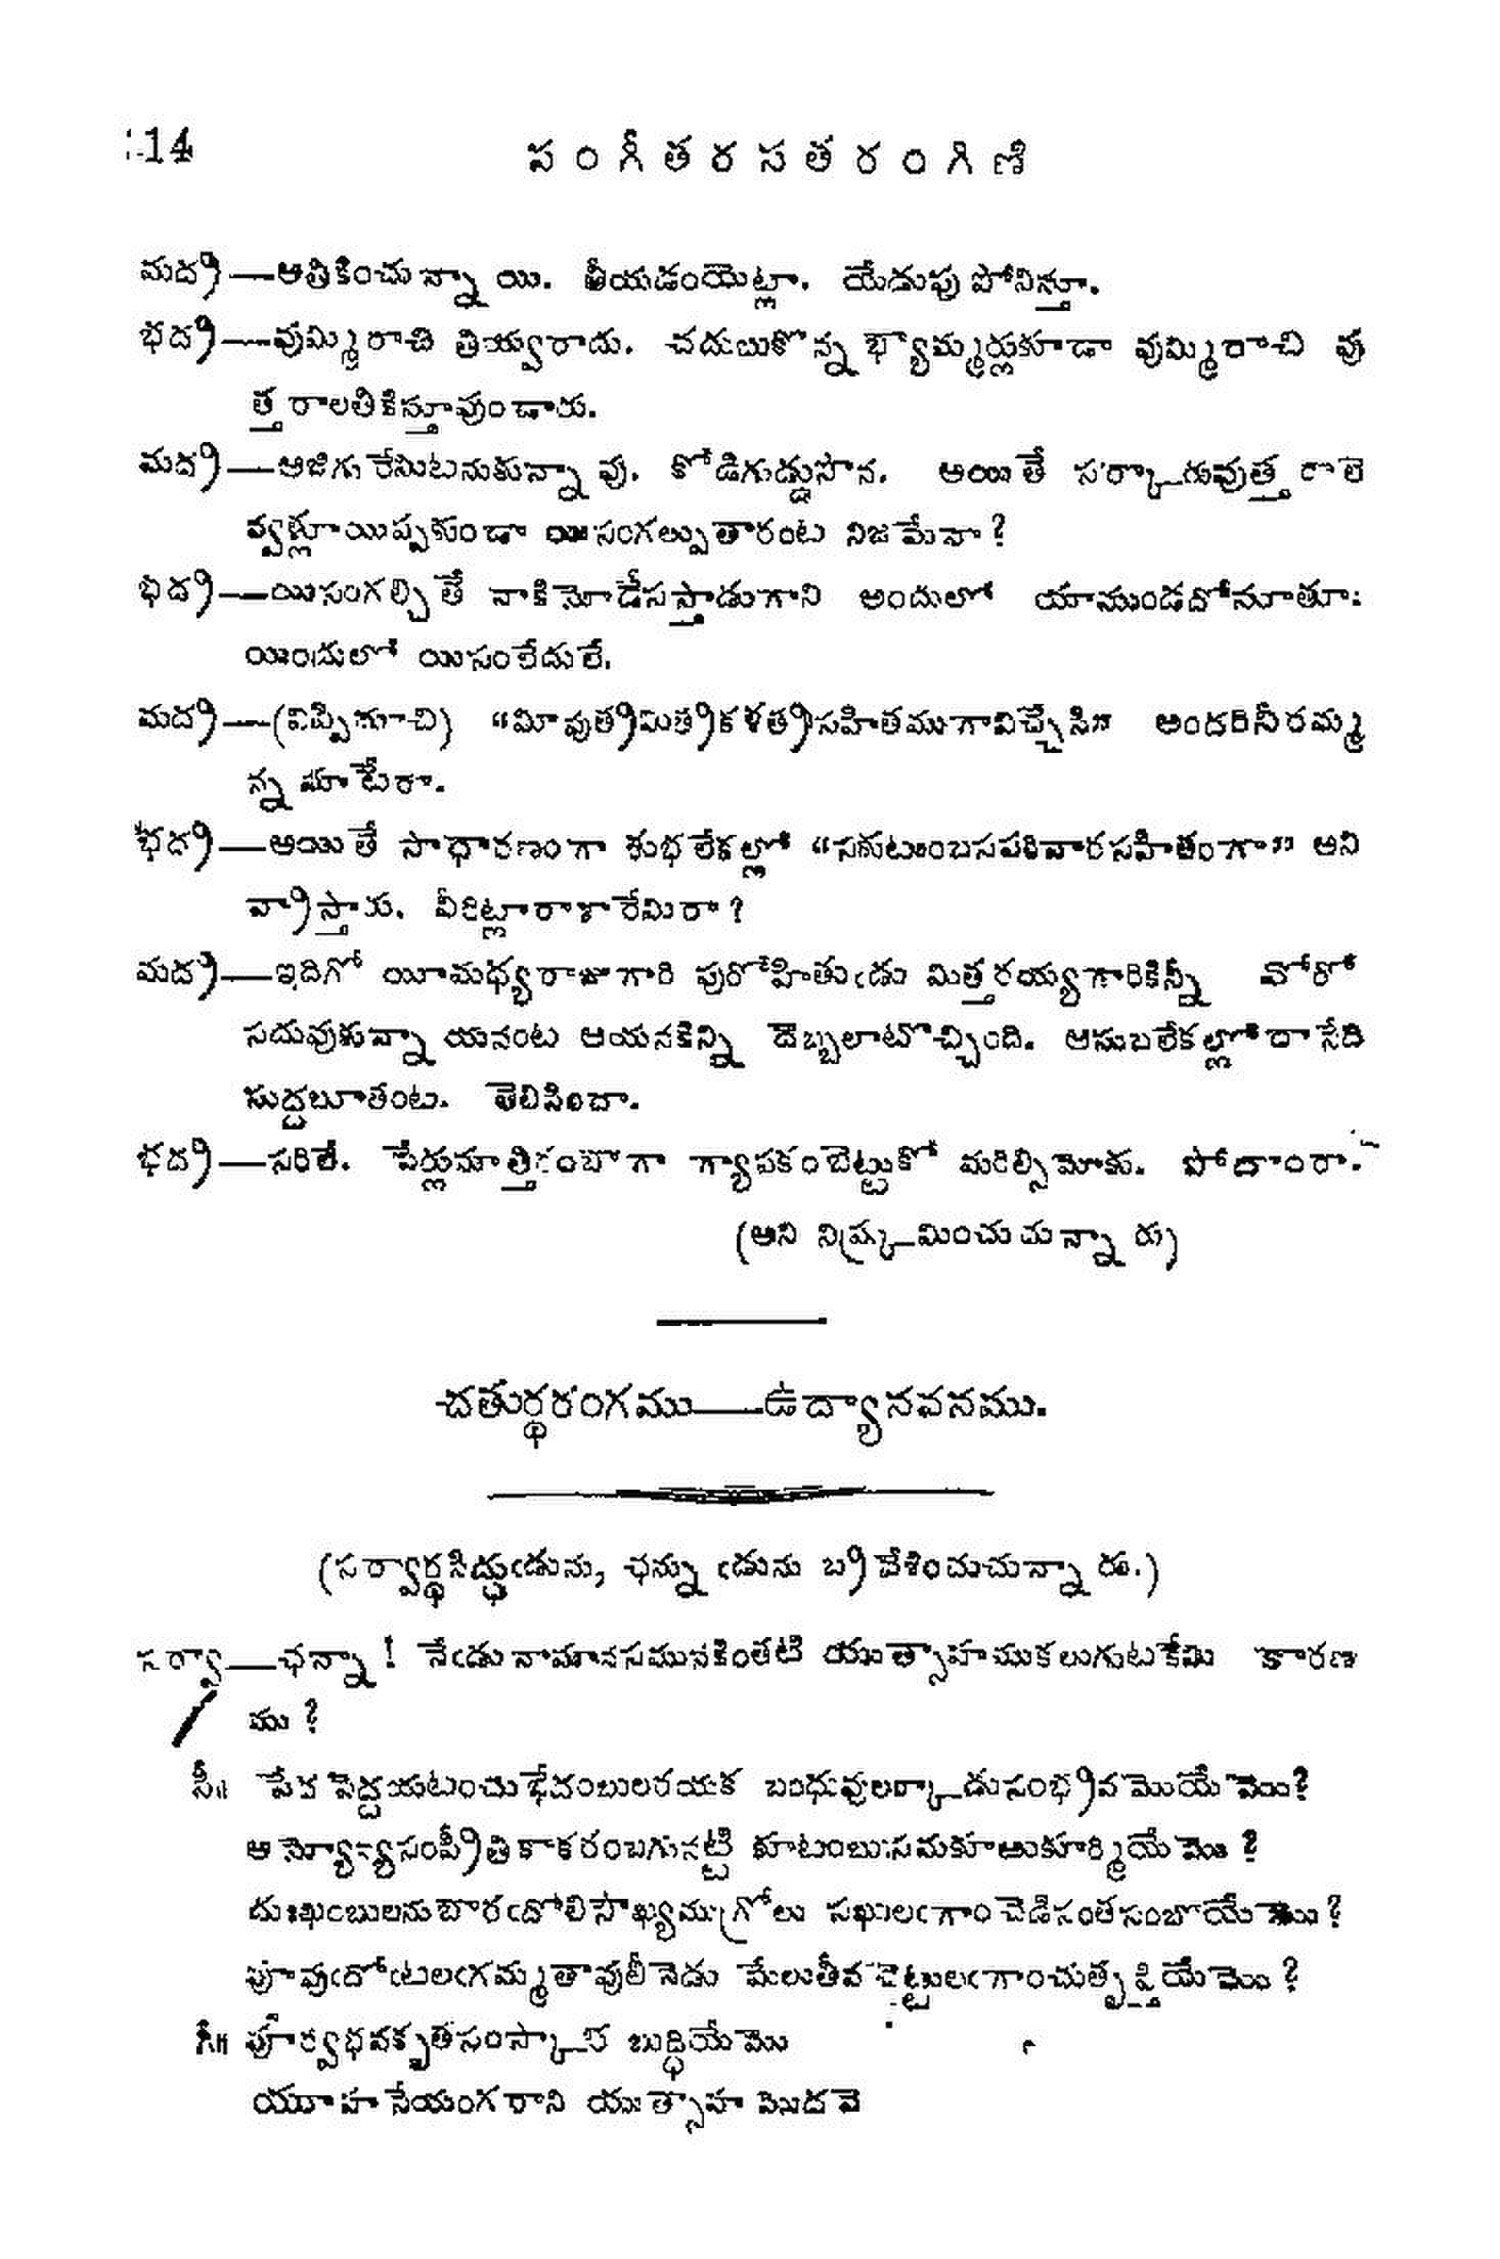మద్ర - అతికించున్నాయి. తీయడంయెట్లా. యేడుపు పోనిస్తూ.

భద్ర - పుమ్మిరాచి తియ్వరాదు. చదుబుకొన్న భ్యామ్మర్లు కూడా వుమ్మి రాచి వుమ్మించి వుత్తరాలతికిస్తూవుండారు.

మద్ర — ఆజిగురేమిటనుకున్నావు. కోడిగుడ్డుసొన. అయితే సర్కారువుత్తరాలెవ్వళ్లూ యిప్పకుండా యీసంగల్పుతారంట నిజమేనా?

భద్ర - యిసంగల్చితే నాకి మోడీసస్తాడుగాని అందులో యాముండదో నూతూ యిందులో యిసంలేదులే.

మద్ర - (ఐప్పిగూచి) "మీ పుత్రమిత్రకళత్ర సహితముగా విచ్చేసి" అందరినీ రమ్మన్నమాటేరా.

భద్రా — అయితే సాధారణంగా శుభలేకల్లో "సకుటుంబసపరివారసహితంగా ” అని వాస్తారు. వీరిట్లారాశాకారేమిరా?

మద్ర — ఇదిగో యీమధ్య రాజు గారి పురోహిత్యుడు మిత్తరయ్య గారికిన్నీ వోరో సదువుకున్నా యనంట ఆయనకిన్ని దెబ్బలాటొచ్చింది. ఆసుబలేకల్లోదాసేది సుద్దబూతంట. తెలిసిందా.

భద్ర — సరిలే. పేర్లు మాత్తిరంబాగా గ్యాపకంబెట్టుకో మరిల్సిమోకు పోదాం రా.

 

 

సర్వా - ఛన్నా! నేఁడు నామానసమునకింతటి యుత్సాహము కలుగుటకేమి కారణము ? 

సీ॥ సేద పెద్దయటంచు భేదంబులరయక బంధువులర్కాడు సంభ్రవమొయేమొ?
ఆస్యూన్యసంప్రీతి౯ కాకరంబగునట్టి కూటంబు:సమకూఱుకూర్మియేమొ?
దుఃఖంబులనుబారఁదోలి సౌఖ్యముగ్రోలు సఖులఁగాంచెడినంత సంబోయేమొ?
పూపుఁదోఁటలఁగమ్మతావులీనెడు మేలుతీవచెట్టులఁ గాంచుతృప్తియేమొ? 

సీ॥ పూర్వభవకృతసంస్కార బుద్ధియేమొ
యూహ సేయంగరాని యుత్సాహ మొదవె